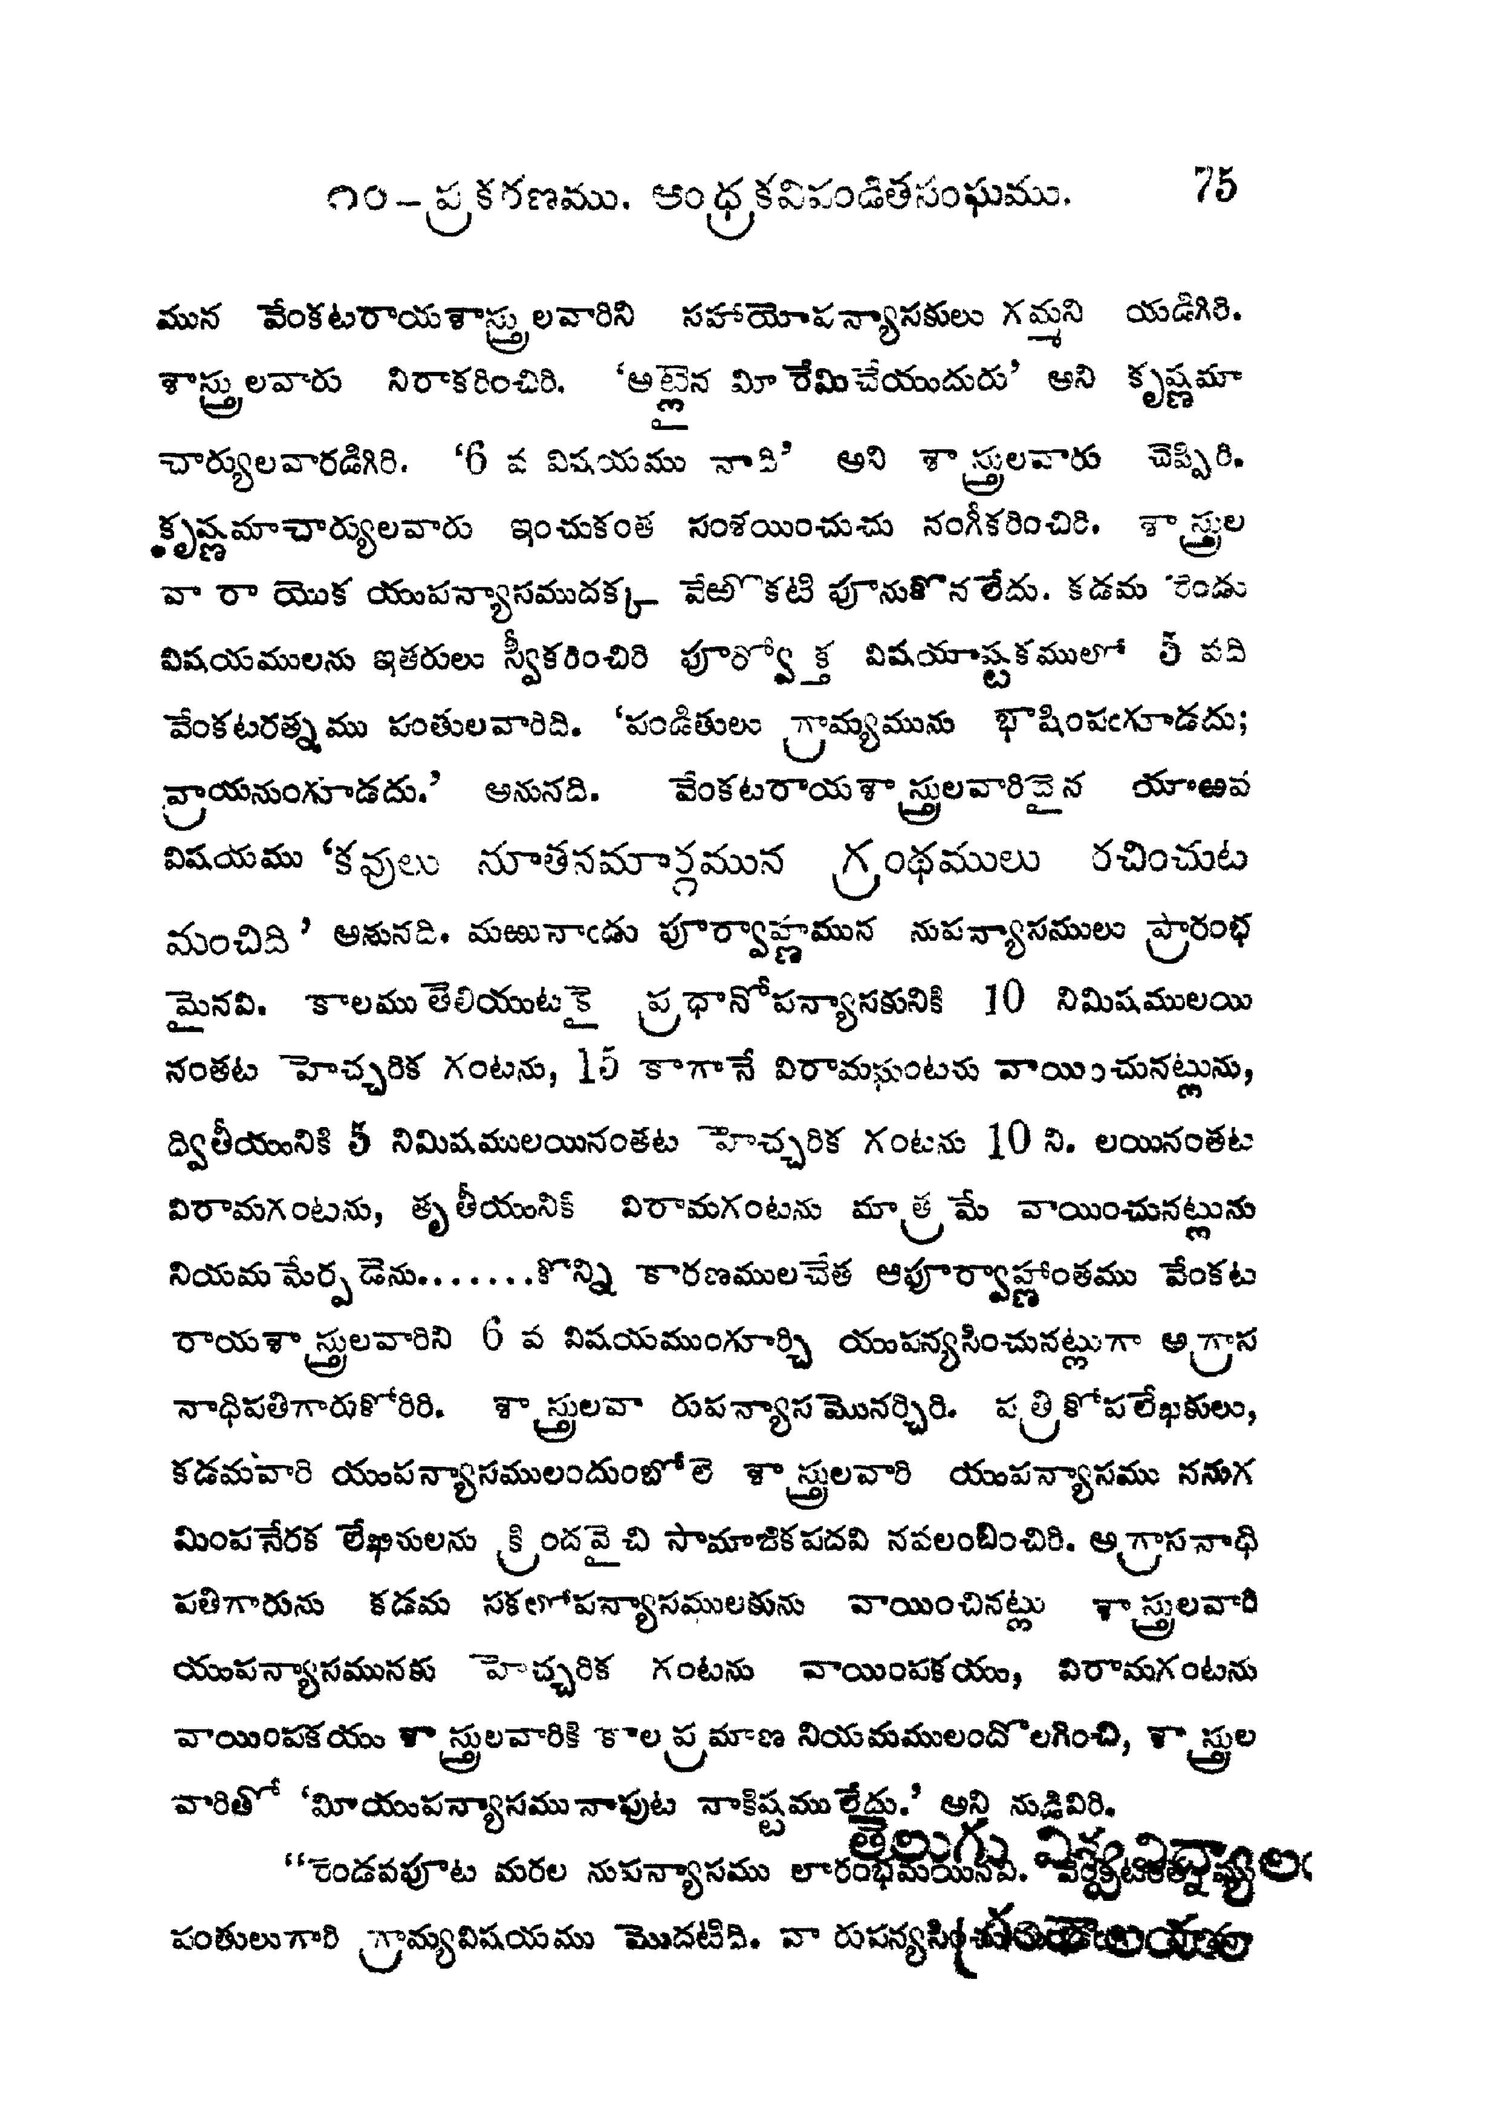మున వేంకటరాయశాస్త్రులవారిని సహాయోపన్యాసకులు గమ్మని యడిగిరి. శాస్త్రులవారు నిరాకరించిరి. 'అట్లైన మీరేమిచేయుదురు' అని కృష్ణమాచార్యులవారడిగిరి. '6 వ విషయము నాది' అని శాస్త్రులవారు చెప్పిరి. కృష్ణమాచార్యులవారు ఇంచుకంత సంశయించుచు నంగీకరించిరి. శాస్త్రులవా రా యొక యుపన్యాసముదక్క వేఱొకటి పూనుకొనలేదు. కడమ రెండు విషయములను ఇతరులు స్వీకరించిరి. పూర్వోక్త విషయాష్టకములో 5 వది వేంకటరత్నము పంతులవారిది. 'పండితులు గ్రామ్యమును భాషింపగూడదు; వ్రాయనుంగూడదు.' అనునది. వేంకటరాయశాస్త్రులవారిదైన యాఱవ విషయము 'కవులు నూతనమార్గమున గ్రంథములు రచించుట మంచిది' అనునది. మఱునాడు పూర్వాహ్ణమున నుపన్యాసములు ప్రారంభమైనవి. కాలము తెలియుటకై ప్రథానోపన్యాసకునికి 10 నిమిషములయి నంతట హెచ్చరిక గంటను, 15 కాగానే విరామఘంటను వాయించునట్లును, ద్వితీయునికి 5 నిమిషములయినంతట హెచ్చరిక గంటను 10 ని. లయినంతట విరామగంటను, తృతీయునికి విరామగంటను మాత్రమే వాయించునట్లును నియమమేర్పడెను..... కొన్ని కారణములచేత అపూర్వాహ్ణాంతము వేంకటరాయశాస్త్రులవారి 6 వ విషయంగూర్చి యుపన్యసించునట్లుగా అగ్రాసనాధిపతిగారుకోరిరి. శాస్త్రులవా రుపన్యాసమొనర్చిరి. పత్రికోపలేఖకులు, కడమవారి యుపన్యాసములందుంబోలె శాస్త్రులవారి యుపన్యాసము ననుగమింపనేరక లేఖినులను క్రిందవైచి సామాజికపదవి నవలంబించిరి. అగ్రాసనాధిపతిగారును కడమ సకలోపన్యాసములకును వాయించినట్లు శాస్త్రులవారి యుపన్యాసమునకు హెచ్చరిక గంటను వాయింపకయు, విరామగంటను వాయింపకయు శాస్త్రులవారికి కాలప్రమాణ నియమములందొలగించి, శాస్త్రులవారితో 'మీయుపన్యాసము నాపుట నాకిష్టములేదు.' అని నుడివిరి.

"రెండవపూట మరల నుపన్యాసము లారంభమయినవి. వెంకటరత్నము పంతులుగారి గ్రామ్యవిషయము మొదటిది. వా రుపన్యసించుచుండగ సామా